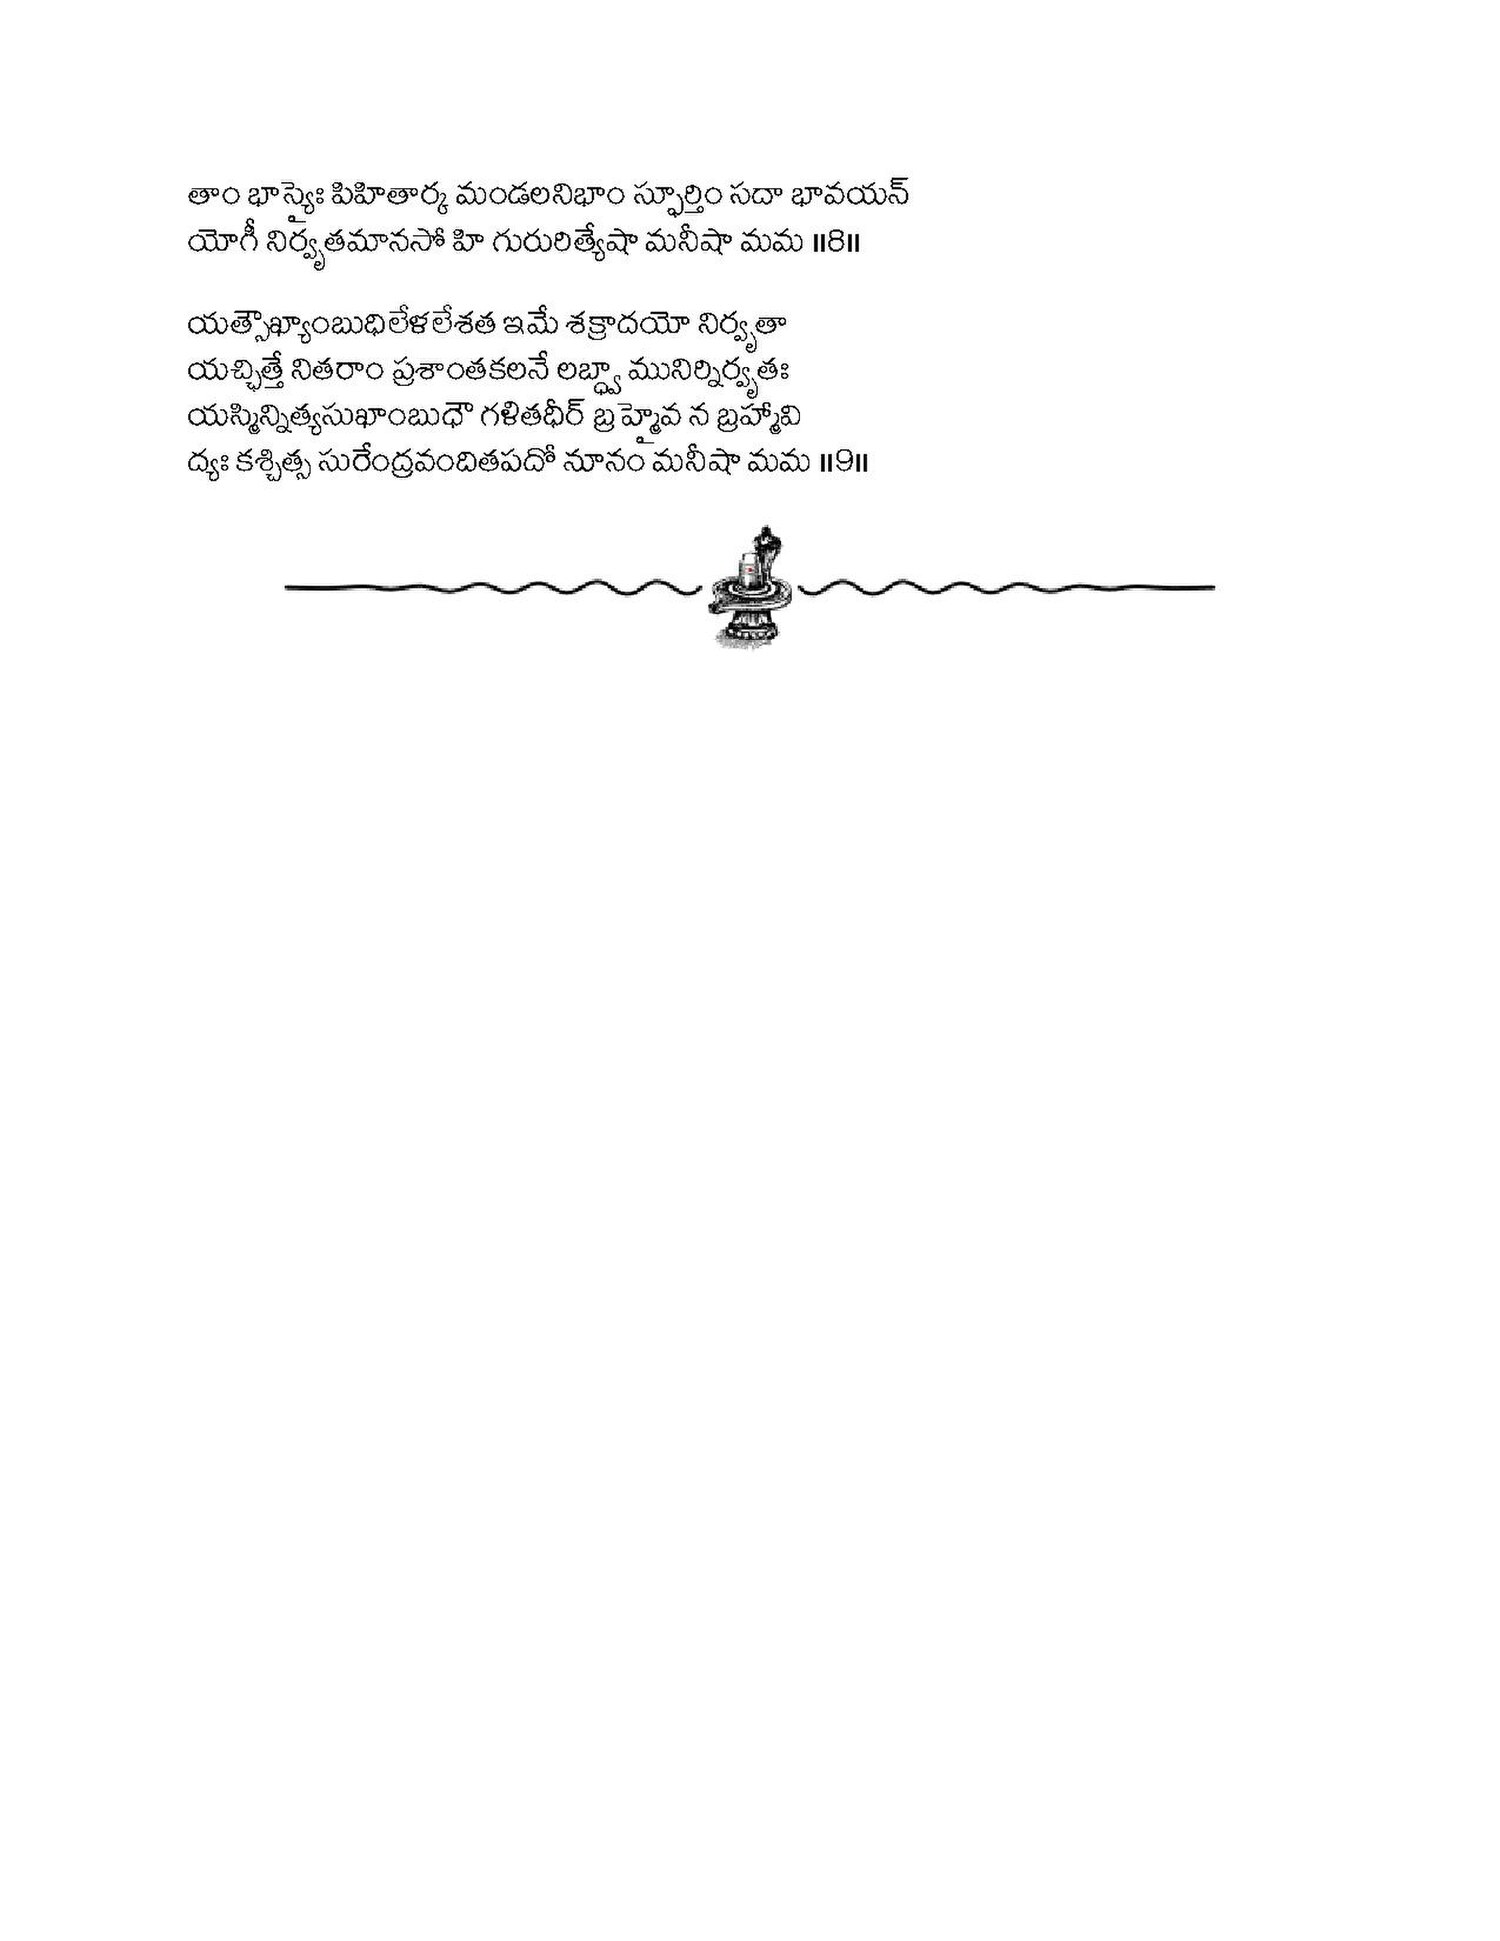తాం భాస్యైః పిహితార్క మండలనిభాం స్ఫూర్తిం సదా భావయన్
యోగీ నిర్వృతమానసో హి గురురిత్యేషా మనీషా మమ ||8||

యత్సౌఖ్యాంబుధిలేళలేశత ఇమే శక్రాదయో నిర్వృతా
యచ్ఛిత్తే నితరాం ప్రశాంతకలనే లబ్ద్వా మునిర్నిర్వృతః
యస్మిన్నిత్యసుఖాంబుధౌ గళితధీర్ బ్రహ్మైవ న బ్రహ్మావి
ద్యః కశ్చిత్స సురేంద్రవందితపదో నూనం మనీషా మమ ||9||